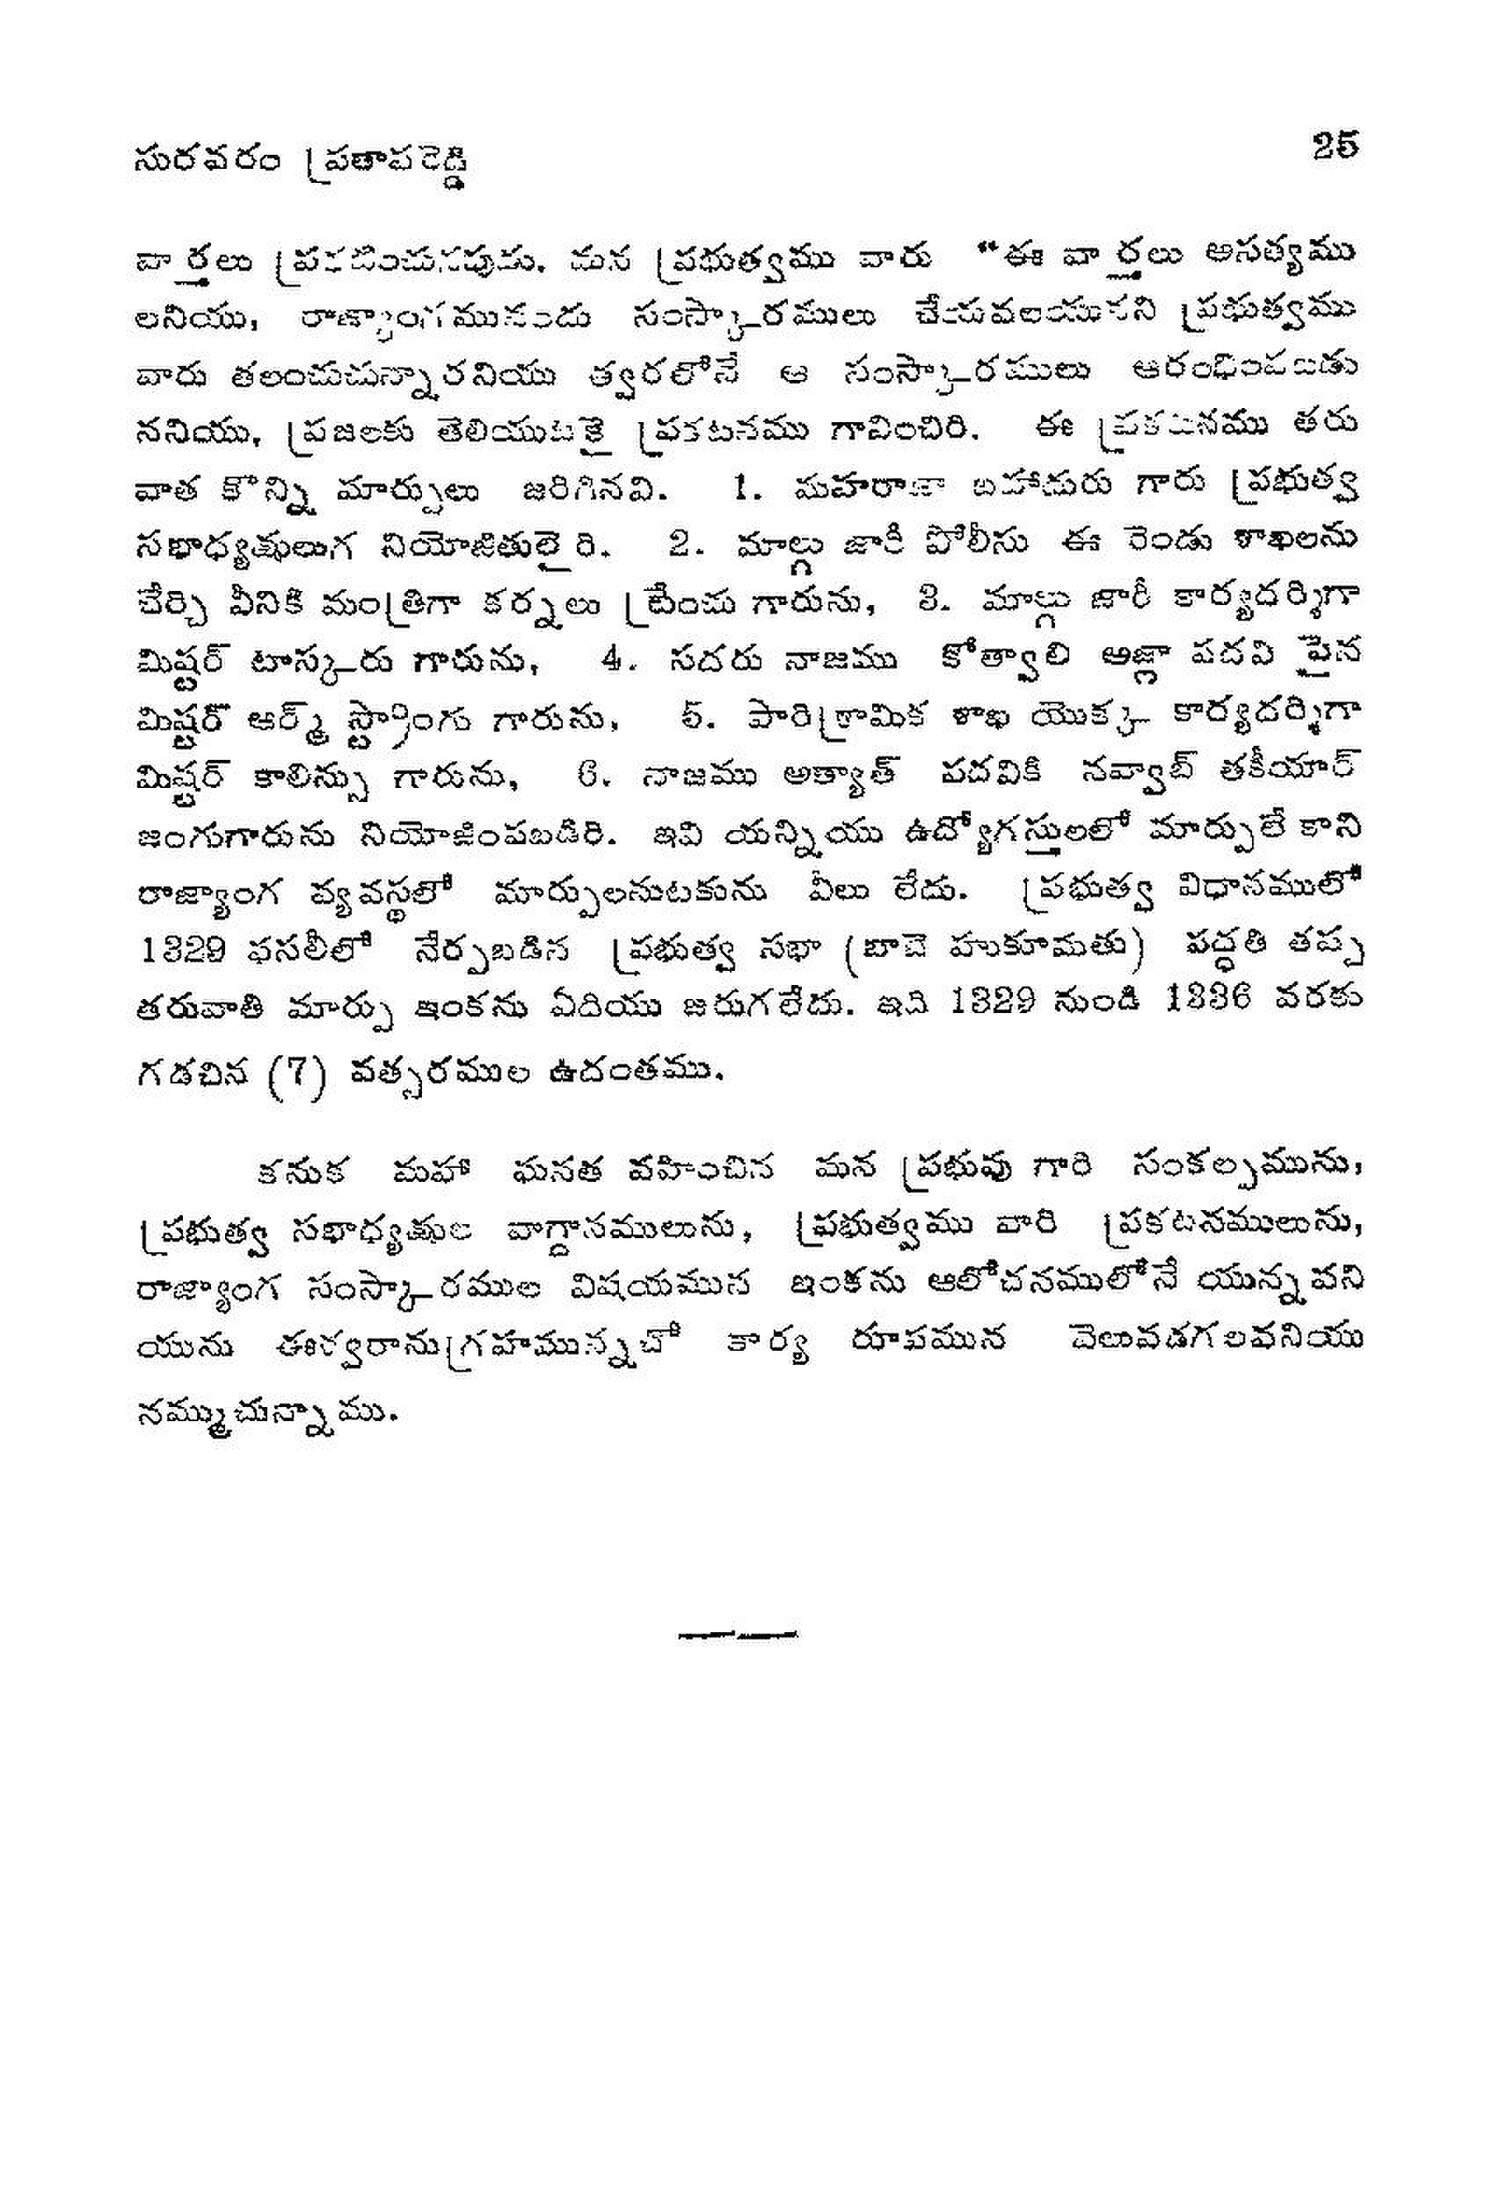వార్తలు ప్రకటించునపుడు, మన ప్రభుత్వము వారు "ఈ వార్తలు అసత్యములనియు, రాజ్యాంగమునందు సంస్కారములు చేయవలయునని ప్రభుత్వమువారు తలంచుచున్నారనియు త్వరలోనే ఆ సంస్కారములు ఆరంభింపబడుననియు, ప్రజలకు తెలియుటకై ప్రకటనము గావించిరి. ఈ ప్రకటనము తరువాత కొన్ని మార్పులు జరిగినవి. 1. మహరాజా బహాదురు గారు ప్రభుత్వ సభాధ్యక్షులుగ నియోజితులైరి. 2. మాల్గు జారీ పోలీసు ఈ రెండు శాఖలను చేర్చి వీనికి మంత్రిగా కర్నలు ట్రేంచు గారును, 3. మాల్గు జారీ కార్యదర్శిగా మిస్టర్ టాస్కరు గారును, 4. సదరు నాజము కోత్వాలి అజ్లా పదవి పైన మిష్టర్' ఆర్మ్ స్ట్రాంగు గారును, 5. పారిశ్రామిక శాఖ యొక్క కార్యదర్శిగా
మిష్టర్ కాలిన్సు గారును, 6. నాజము అత్యాత్ పదవికి నవ్వాబ్ తకీయార్ జంగుగారును నియోజింపబడిరి. ఇవి యన్నియు ఉద్యోగస్తులలో మార్పులే కాని రాజ్యాంగ వ్యవస్థలో మార్పులనుటకును వీలు లేదు. ప్రభుత్వ విధానములో
1329 ఫసలీలో నేర్పబడిన ప్రభుత్వ సభా (బాచె హుకూమతు) పద్ధతి తప్ప తరువాతి మార్పు ఇంకను ఏదియు జరుగలేదు. ఇది 1329 నుండి 1336 వరకు గడచిన (7) వత్సరముల ఉదంతము.

కనుక మహా ఘనత వహించిన మన ప్రభువు గారి సంకల్పమును, ప్రభుత్వ సభాధ్యక్షుల వాగ్దానములును, ప్రభుత్వము వారి ప్రకటనములును, రాజ్యాంగ సంస్కారముల విషయమున ఇంకను ఆలోచనములోనే యున్నవనియును ఈశ్వరానుగ్రహమున్నచో కార్య రూపమున వెలువడగలవనియు నమ్ముచున్నాము.